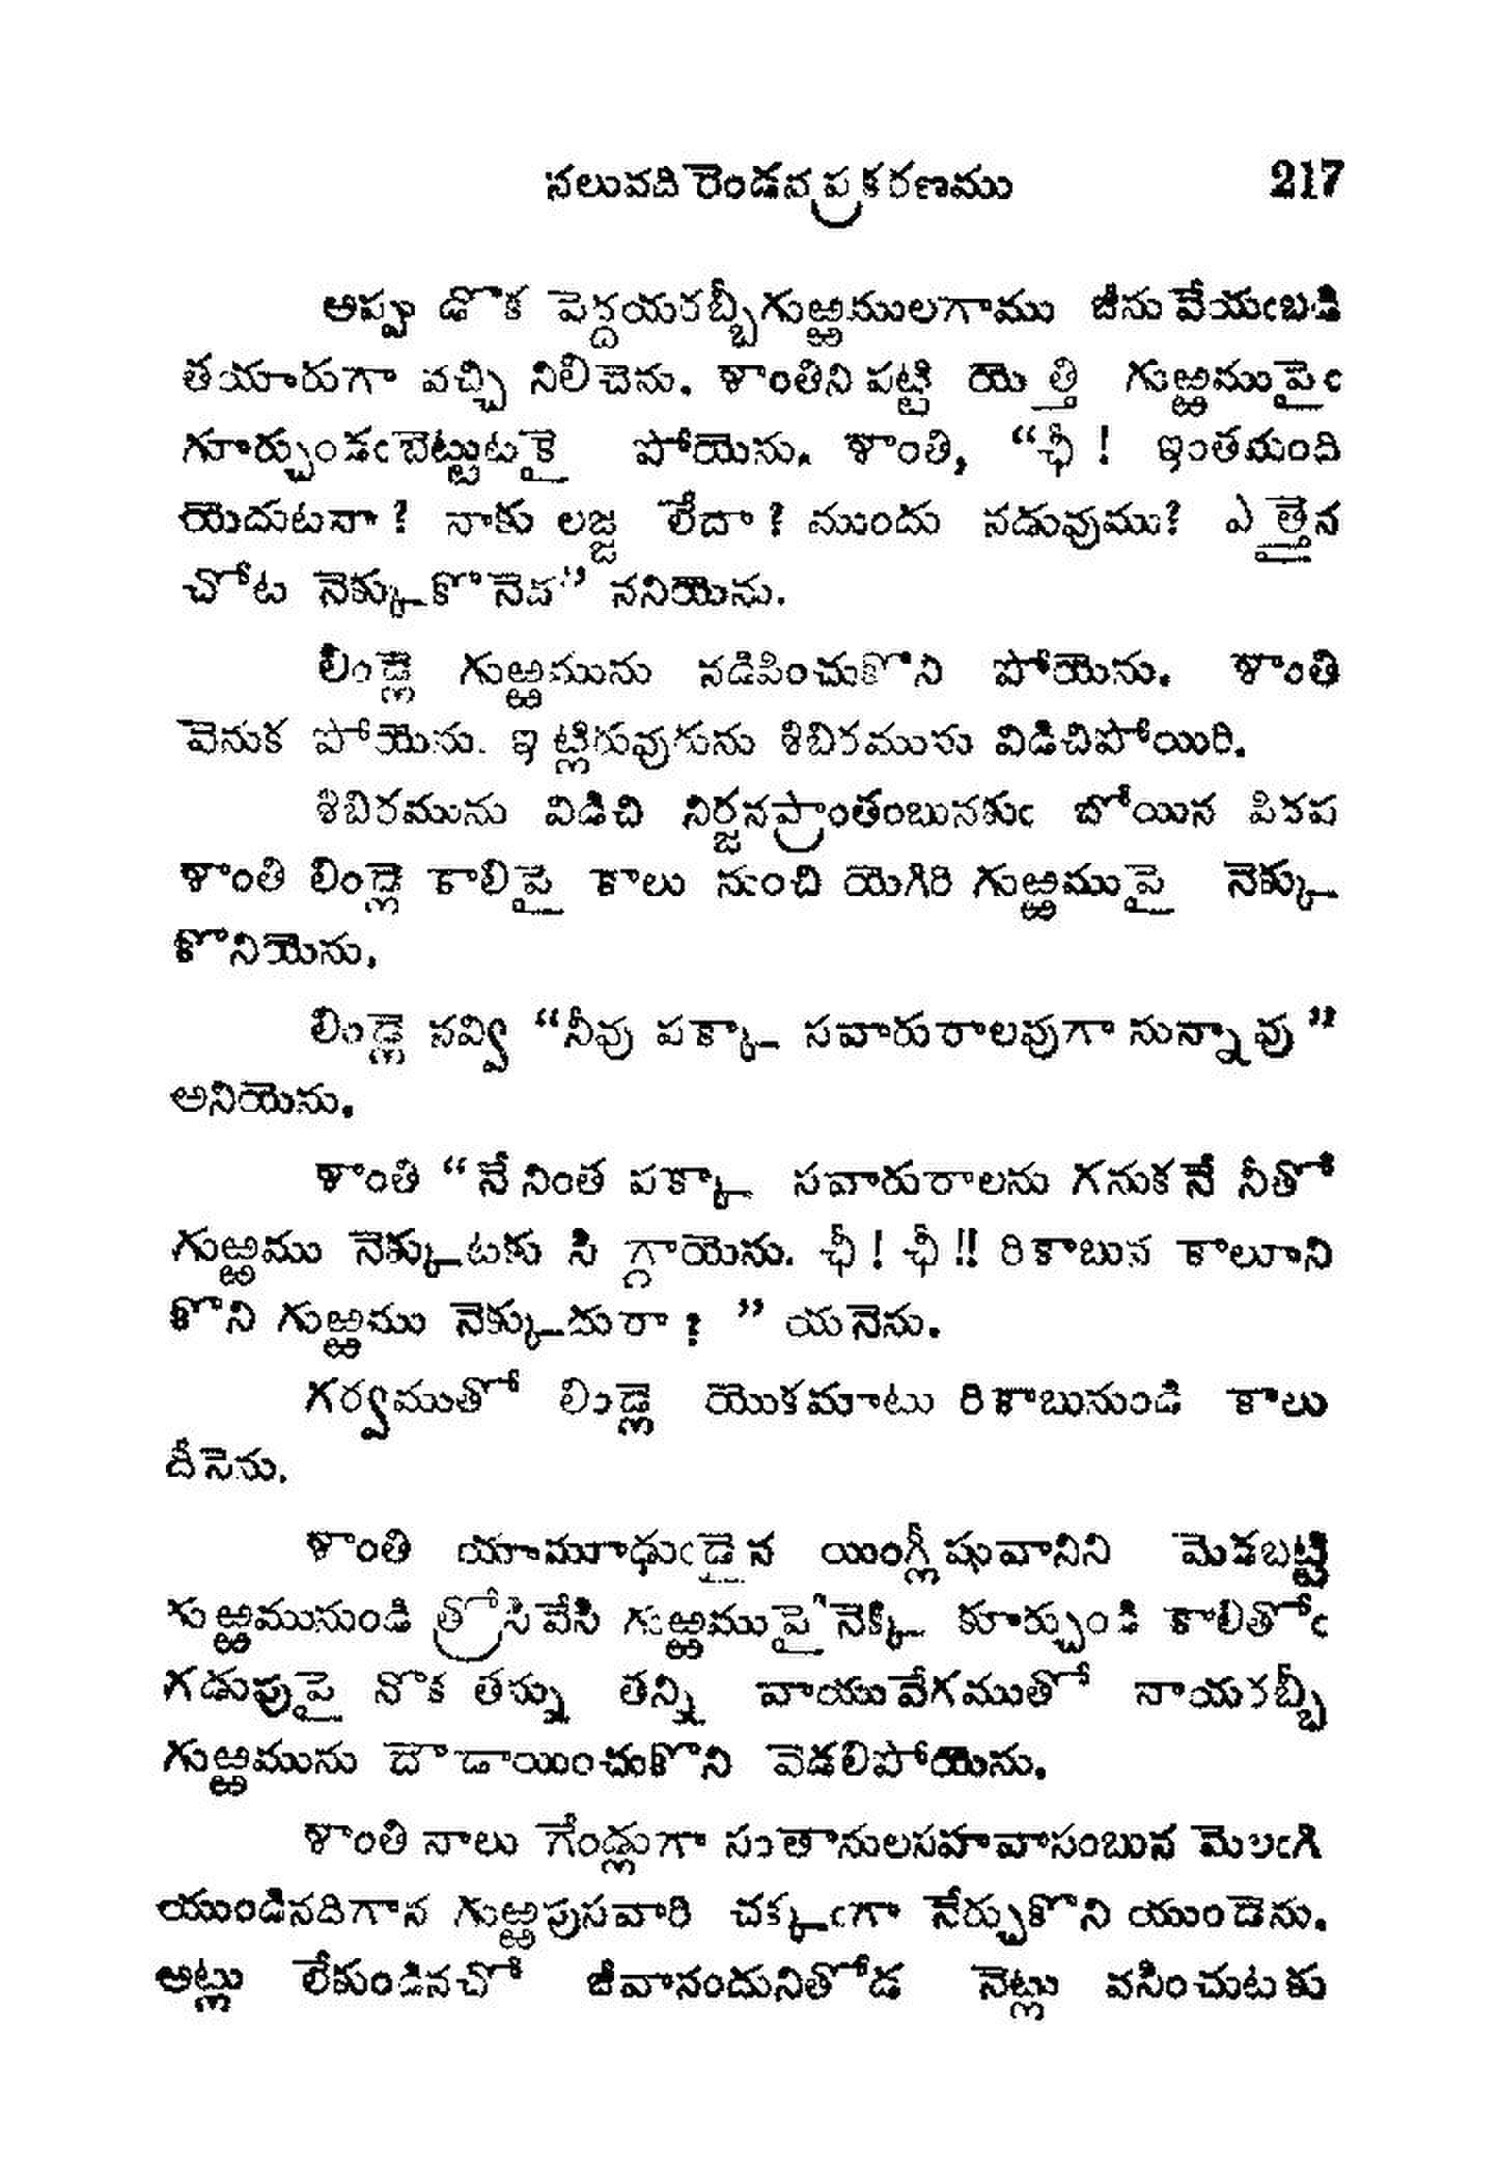అప్పుడొక పెద్దయరబ్బీ గుఱ్ఱములగాము జీను వేయఁబడి తయారుగా వచ్చి నిలిచెను, శాంతిని పట్టి యెత్తి గుఱ్ఱముపైఁ
గూర్చుండఁ బెట్టుటకై పోయెను. శాంతి, “ఛీ ! ఇంతమంది యెదుటనా ! నాకు లజ్జ లేదా ? ముందు నడువుము. ఎత్తైన
చోట నెక్కు కోనేద" ననియెను.

లిండ్లె గుఱ్ఱమును నడిపించుకొని పోయెను. శాంతి వెనుక పోయెను. ఇట్టిరువుగును శిబిరమును విడిచిపోయిరి.

శిబిరమును విడిచి నిర్జన ప్రాంతంబునకుఁ బోయిన పిదప శాంతి లిండ్లె కాలిపై కాలు నుంచి యెగిరి గుఱ్ఱముపై నెక్కు
కొనియెను.

లిండ్లె నవ్వి “నీవు పక్కా సవారు రాలవుగా నున్నావు " అనియెను.

శాంతి " నేనింత పక్కా సవారురాలను గనుకనే నీతో గుఱ్ఱము నెక్కుటకు సిగ్గాయెను. ఛీ ! ఛీ !! రికాబున కాలూని
కొని గుఱ్ఱము నెక్కుదురా ! యనెను.

గర్వముతో లిండ్లె యొకమాటు రికాబునుండి కాలు దీసెను.

శాంతి యామూఢుఁడైన యింగ్లీషువానిని మెడబట్టి గుఱ్ఱమునుండి త్రోసివేసి గుఱ్ఱము పై నెక్కి కూర్చుండి కాలితోఁ గడుపుపై నొక తన్ను తన్ని వాయువేగముతో నాయరబ్బీ గుఱ్ఱమును దౌడాయించుకొని వెడలిపోయెను.

శాంతి నాలు గేండ్లుగా సంతానులసహవాసంబున మెలఁగి యుండినదిగాన గుఱ్ఱపుసవారి చక్కగా నేర్చుకొని యుండెను.
అట్లు లేకుండినచో జీవానందునితోడ నెట్లు వసించుటకు